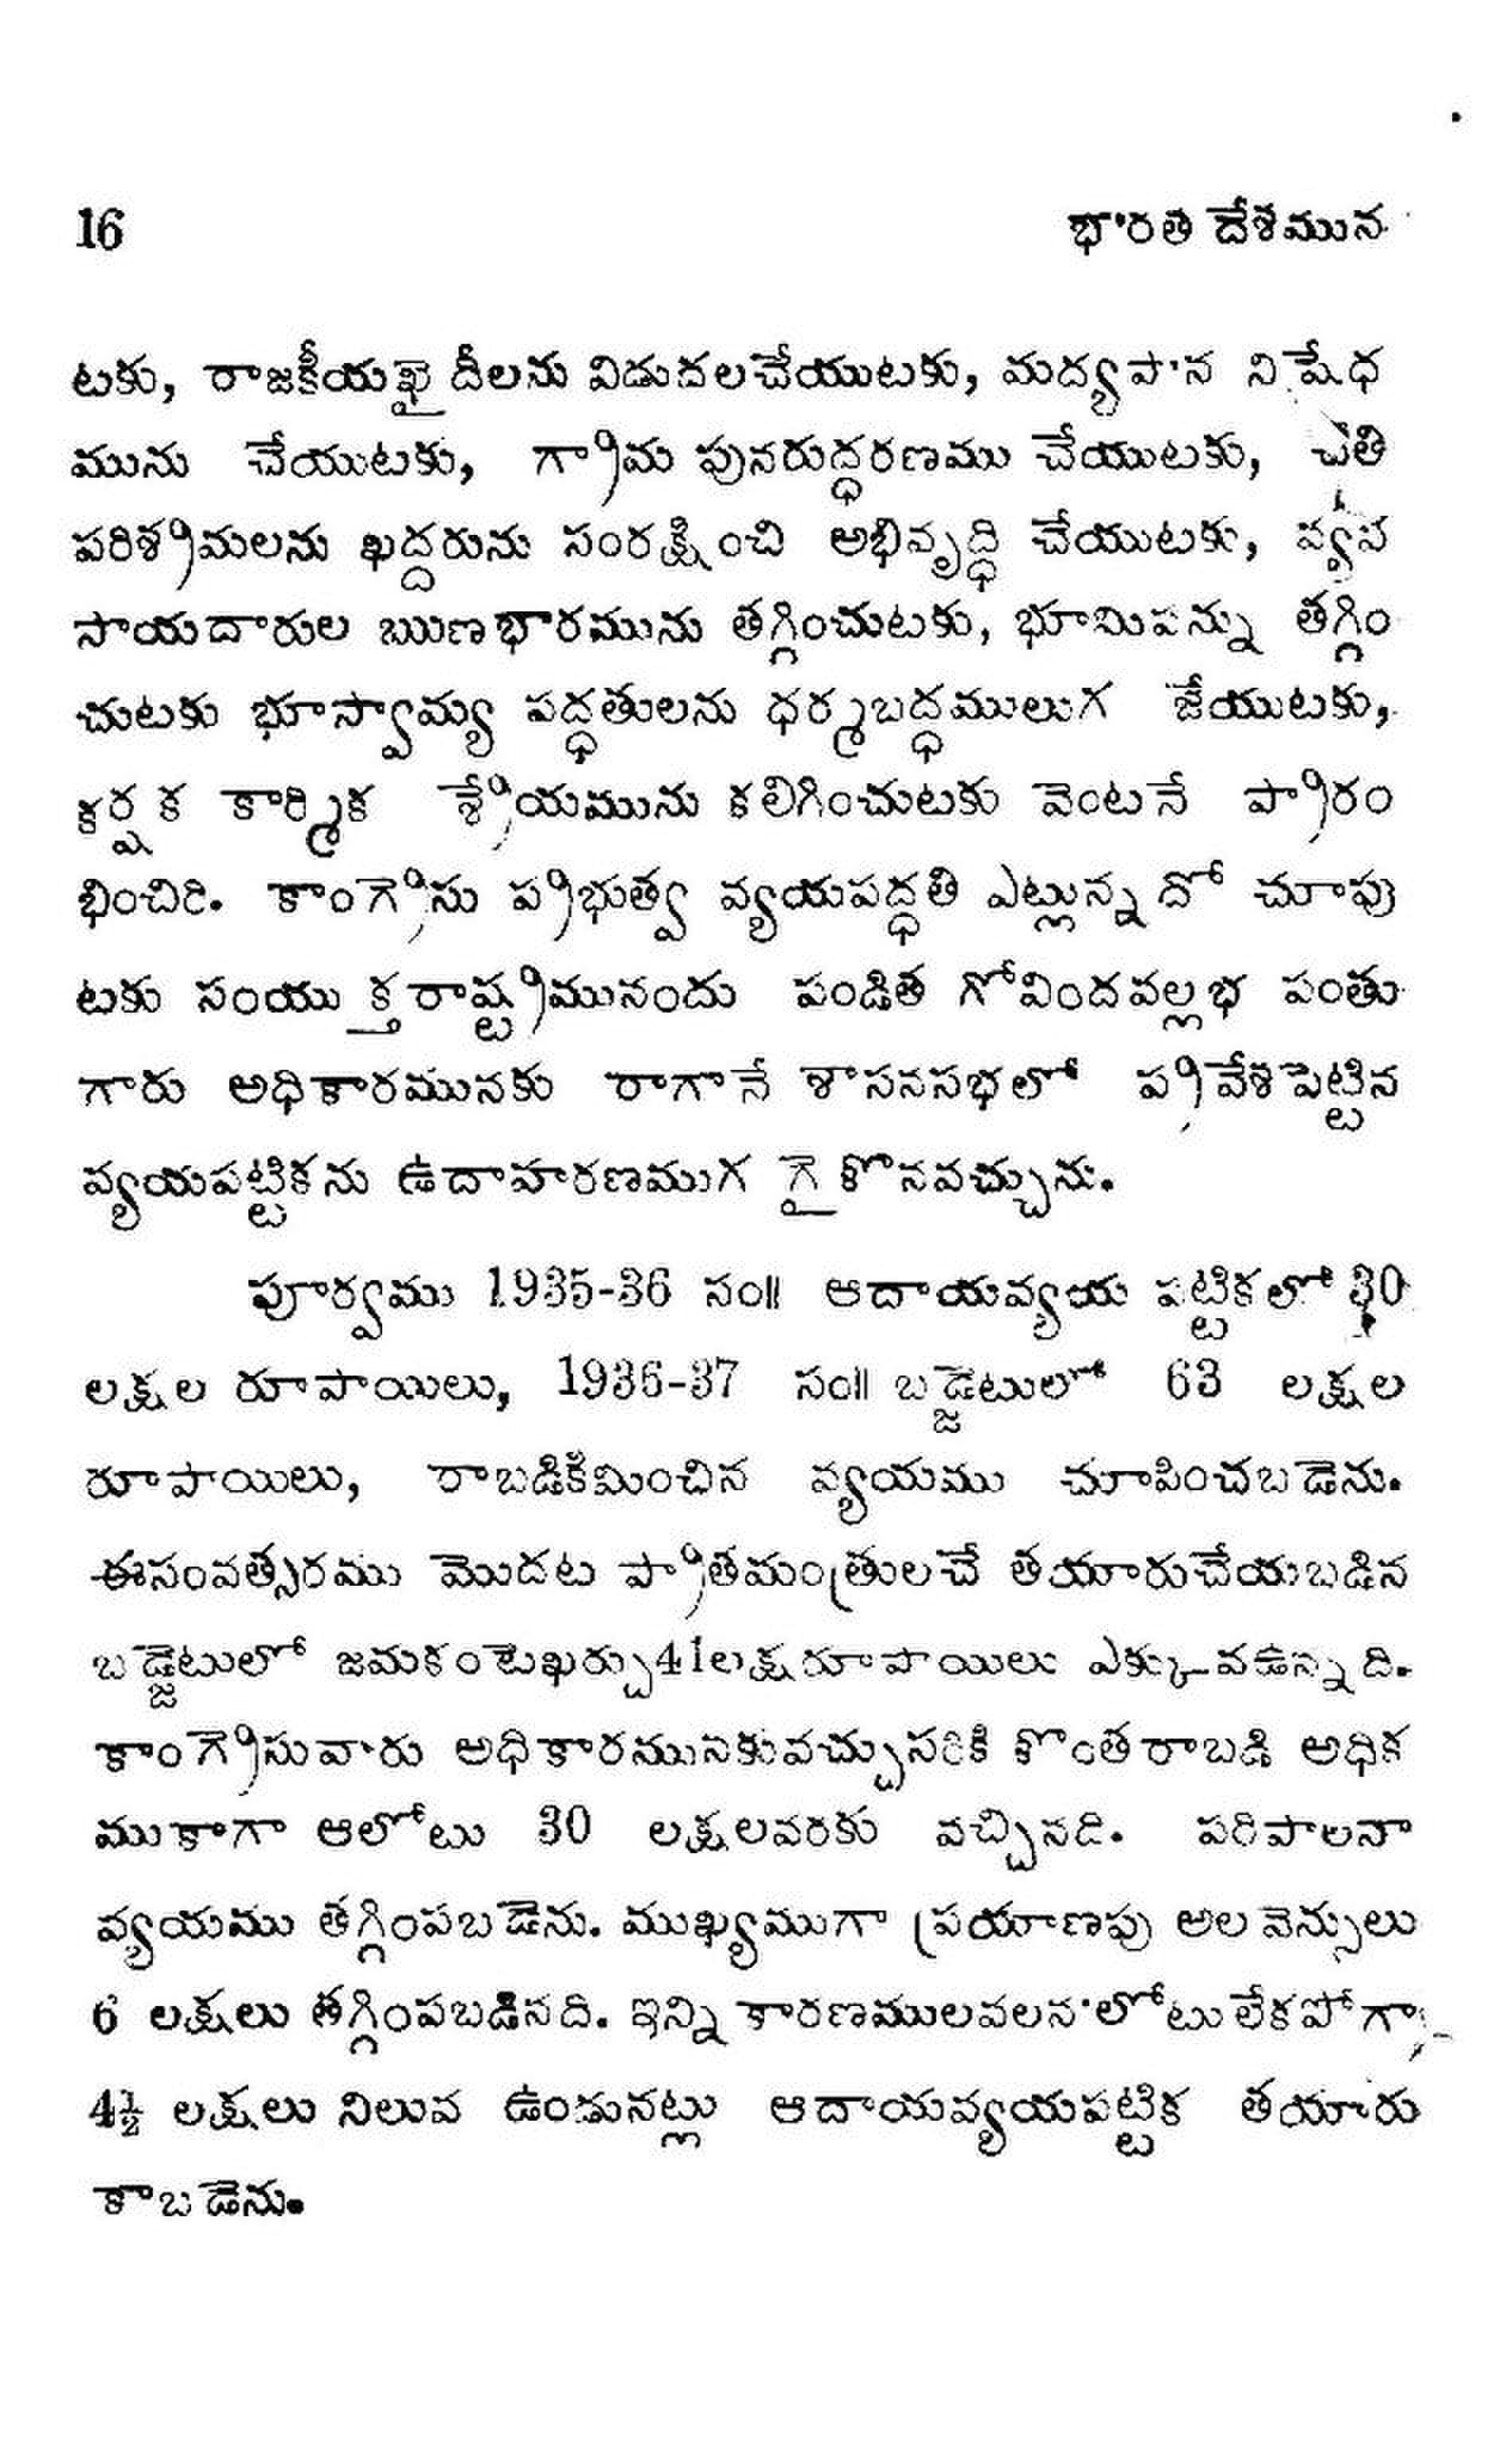టకు, రాజకీయఖైదీలను విడుదలచేయుటకు, మద్యపాన నిషేధమును చేయుటకు, గ్రామ పునరుద్ధరణము చేయుటకు, చేతి పరిశ్రమలను ఖద్దరును సంరక్షించి అభివృద్ధి చేయుటకు, వ్యవసాయదారుల ఋణభారమును తగ్గించుటకు, భూమిపన్ను తగ్గించుటకు భూస్వామ్య పద్దతులను ధర్మబద్ధములుగ జేయుటకు, కర్షక కార్మిక శ్రేయమును కలిగించుటకు వెంటనే ప్రారంభించిరి. కాంగ్రెసు ప్రభుత్వ వ్యయపద్ధతి ఎట్లున్నదో చూపుటకు సంయుక్తరాష్ట్రమునందు పండిత గోవిందవల్లభ పంతుగారు అధికారమునకు రాగానే శాసనసభలో ప్రవేశపెట్టిన వ్యయపట్టికను ఉదాహరణముగ గైకొనవచ్చును.

పూర్వము 1935-36 సం|| ఆదాయవ్యయ పట్టికలో 30 లక్షల రూపాయిలు, 1936-37 సం|| బడ్జెటులో 63 లక్షల రూపాయిలు, రాబడికిమించిన వ్యయము చూపించబడెను. ఈసంవత్సరము మొదట ప్రాతమంత్రులచే తయారుచేయబడిన బడ్జెటులో జమకంటెఖర్చు 41 లక్ష రూపాయిలు ఎక్కువఉన్నది. కాంగ్రెసువారు అధికారమునకు వచ్చుసరికి కొంతరాబడి అధికముకాగా ఆలోటు 30 లక్షలవరకు వచ్చినది. పరిపాలనా వ్యయము తగ్గింపబడెను. ముఖ్యముగా ప్రయాణపు అలవెన్సులు 6 లక్షలు తగ్గింపబడినది. ఇన్ని కారణములవలనలోటు లేకపోగా.. 4 1/2 లక్షలు నిలువ ఉండునట్లు ఆదాయవ్యయపట్టిక తయారు కాబడెను.